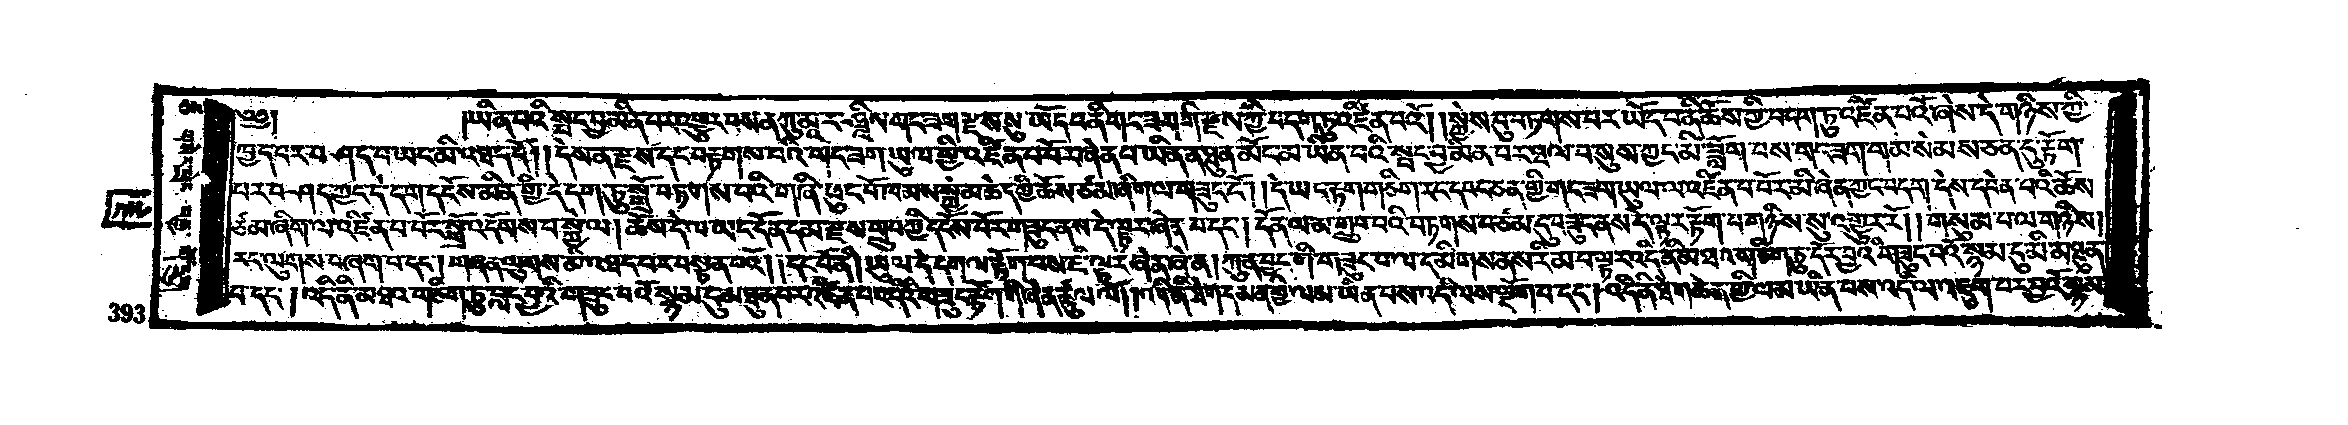༄༅། །ཡིན་པའི་སྤང་བྱ་མིན་པར་འགྱུར་བས་ན་ཀུ་མཱ་ར་ཤྲཱིས་གང་ཟག་རྫས་སུ་ཡོད་པ་ནི་གང་ཟག་གི་རྫས་ཀྱི་བདག་ཏུ་འཛིན་པའོ། །སྐྱེས་བུ་བཏགས་པར་ཡོད་པ་ནི་ཆོས་ཀྱི་བདག་ཏུ་འཛིན་པའོ་ཞེས་དེ་གཉིས་ཀྱི་
ཁྱད་པར་བཤད་པ་ཡང་མི་འཐད་དོ། །དེས་ན་རྫས་དང་བརྟགས་པའི་གང་ཟག་ཡུལ་གྱི་འཛིན་པ་པོར་ཞེན་པ་ཡིན་ན་ཐུན་མོང་མ་ཡིན་པའི་སྤང་བྱ་མིན་པར་ཐལ་བ་སུས་ཀྱང་མི་ཟློག་པས་གང་ཟག་གམ་སེམས་ཅན་དུ་རྟོག་
པར་བཤད་ཀྱང་དེ་དག་དངོས་མིན་གྱི་དེ་དག་ཏུ་སྒྲོ་བཏགས་པའི་གཞི་ཕུང་པོ་ཁམས་སྐྱེ་མཆེད་ཀྱི་ཆོས་ཙམ་ཞིག་ལ་གཟུང་ངོ། །དེ་ཡང་རྟག་གཅིག་རང་དབང་ཅན་གྱི་གང་ཟག་ཡུལ་ལ་འཛིན་པ་པོར་མི་ཞེན་ཀྱང་བདག་དེས་དབེན་པའི་ཆོས་
ཙམ་ཞིག་ལ་འཛིན་པ་པོར་སྒྲོ་འདོགས་པ་སྐྱེ་ལ། ཆོས་དེ་ལ་ཡང་དོན་དམ་རྫས་གྲུབ་ཀྱི་དངོས་པོར་གཟུང་ནས་དེ་ལྟར་ཞེན་པ་དང་། དོན་ལ་མ་གྲུབ་པའི་བཏགས་པ་ཙམ་དུ་བཟུང་ནས་དེ་ལྟར་རྟོག་པ་གཉིས་སུ་འགྱུར་རོ། །གསུམ་པ་ལ་གཉིས།
རང་ལུགས་བཞག་པ་དང་། གཞན་ལུགས་མི་འཐད་པར་བསྟན་པའོ། །དང་པོ་ནི། ཡུལ་དེ་དག་ལ་རྟོག་པས་ཇི་ལྟར་ཞེན་ཞེ་ན། ཀུན་བྱང་གི་གཟུང་བ་ལ་དམིགས་ནས་རིམ་པ་ལྟར་འདི་ནི་མཐའ་གཅིག་ཏུ་དོར་བྱའི་གཟུང་བའི་སྙམ་དུ་མི་མཐུན་
པ་དང་། འདི་ནི་མཐའ་གཅིག་ཏུ་བླང་བྱའི་གཟུང་བའོ་སྙམ་དུ་མཐུན་པར་འཛིན་པ་འདིའི་གཟུང་རྟོག་གི་ཞེན་ཚུལ་ལོ། །འདི་ནི་ཐེག་དམན་གྱི་ལམ་ཡིན་པས་འདི་ལས་ལྡོག་པ་དང་། འདི་ནི་ཐེག་ཆེན་གྱི་ལམ་ཡིན་པས་འདི་ལ་འཇུག་པར་བྱའོ་སྙམ་